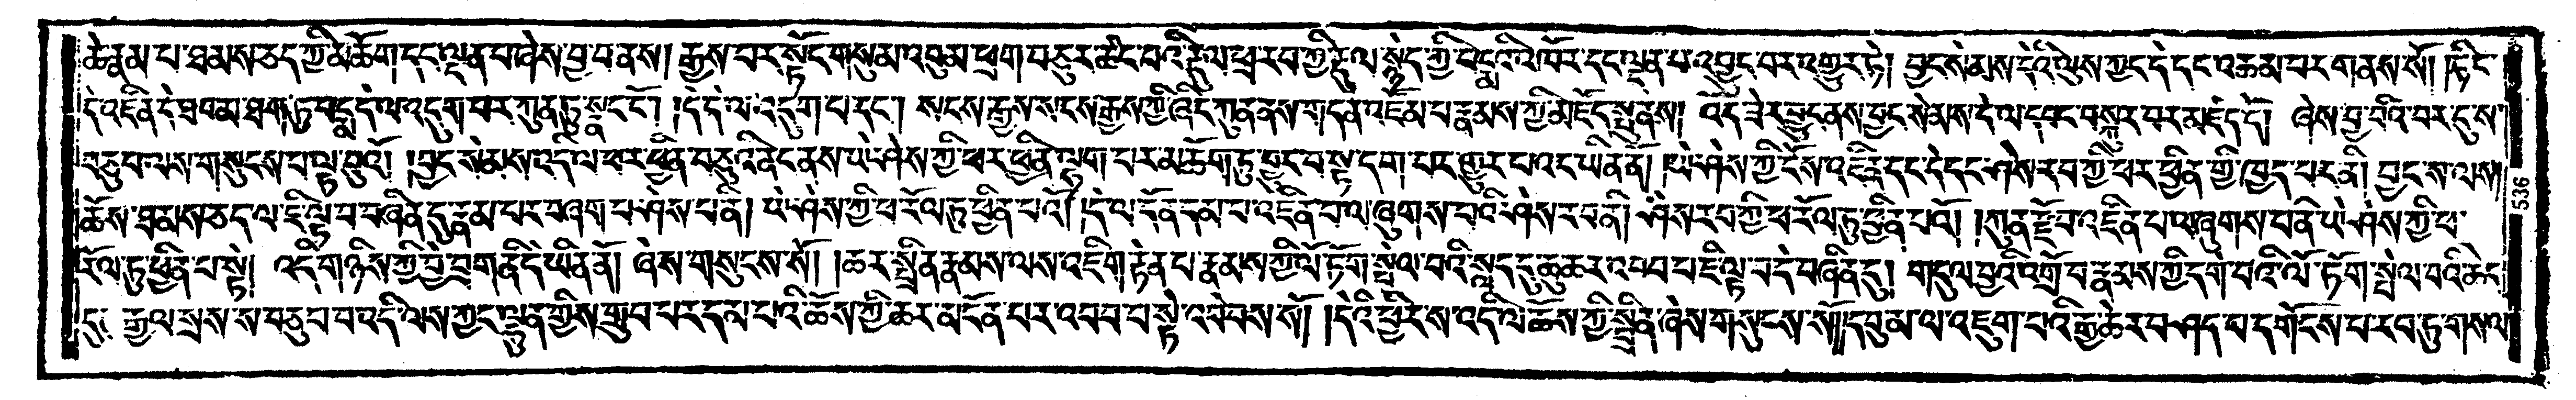ཆེ་རྣམ་པ་ཐམས་ཅད་ཀྱི་མཆོག་དང་ལྡན་པ་ཞེས་བྱ་བ་ནས། རྒྱས་པར་སྟོང་གསུམ་འབུམ་ཕྲག་བཅུར་ཚད་པའི་རྡུལ་ཕྲ་རབ་ཀྱི་རྡུལ་སྙེད་ཀྱི་པདྨའི་འཁོར་དང་ལྡན་པ་འབྱུང་བར་འགྱུར་ཏེ། བྱང་སེམས་དེའི་ལུས་ཀྱང་དེ་དང་འཚམ་པར་གནས་སོ། །ཏིང་
ངེ་འཛིན་དེ་ཐོབ་མ་ཐག་ཏུ་པདྨ་དེ་ལ་འདུག་པར་ཀུན་ཏུ་སྣང་ངོ། །དེ་དེ་ལ་འདུག་པ་དང་། སངས་རྒྱས་སངས་རྒྱས་ཀྱི་ཞིང་ཀུན་ནས་གདན་འཛོམ་པ་རྣམས་ཀྱི་མཛོད་སྤུ་ནས། འོད་ཟེར་བྱུང་ནས་བྱང་སེམས་དེ་ལ་དབང་བསྐུར་བར་མཛད་དོ། ཞེས་བྱ་བའི་བར་དུ་ས་
བཅུ་པ་ལས་གསུངས་པ་ལྟ་བུའོ། །བྱང་སེམས་འདི་ལ་ཕར་ཕྱིན་བཅུའི་ནང་ནས་ཡེ་ཤེས་ཀྱི་ཕར་ཕྱིན་ལྷག་པར་མཆོག་ཏུ་བྱུང་བ་སྟེ་དག་པར་འགྱུར་བའང་ཡིན་ནོ། །ཡེ་ཤེས་ཀྱི་ངོས་འཛིན་དང་དེ་དང་ཤེས་རབ་ཀྱི་ཕར་ཕྱིན་གྱི་ཁྱད་པར་ནི། །བྱང་ས་ལས།
ཆོས་ཐམས་ཅད་ལ་ཇི་ལྟ་བ་བཞིན་དུ་རྣམ་པར་བཞག་པ་ཤེས་པ་ནི། ཡེ་ཤེས་ཀྱི་ཕ་རོལ་ཏུ་ཕྱིན་པའོ། །དེ་ལ་དོན་དམ་པ་འཛིན་པ་ལ་ཞུགས་པའི་ཤེས་རབ་ནི། ཤེས་རབ་ཀྱི་ཕ་རོལ་ཏུ་ཕྱིན་པའོ། །ཀུན་རྫོབ་འཛིན་པ་ལ་ཞུགས་པ་ནི་ཡེ་ཤེས་ཀྱི་ཕ་
རོལ་ཏུ་ཕྱིན་པ་སྟེ། འདི་གཉིས་ཀྱི་བྱེ་བྲག་ནི་དེ་ཡིན་ནོ། ཞེས་གསུངས་སོ། །ཆར་སྤྲིན་རྣམས་ལས་འཇིག་རྟེན་པ་རྣམས་ཀྱི་ལོ་ཏོག་སྤེལ་བའི་སླད་དུ་ཆུ་ཆར་འབབ་པ་ཇི་ལྟ་བ་དེ་བཞིན་དུ། གདུལ་བྱའི་འགྲོ་བ་རྣམས་ཀྱི་དགེ་བའི་ལོ་ཏོག་སྤེལ་བའི་ཆེད་
དུ༑ རྒྱལ་སྲས་ས་བཅུ་པ་བ་འདི་ལས་ཀྱང་ལྷུན་གྱིས་གྲུབ་པར་དམ་པའི་ཆོས་ཀྱི་ཆར་མངོན་པར་འབབ་པ་སྟེ་འབེབས་སོ། །དེའི་ཕྱིར་ས་འདི་ལ་ཆོས་ཀྱི་སྤྲིན་ཞེས་གསུངས་སོ། །དབུ་མ་ལ་འཇུག་པའི་རྒྱ་ཆེར་བཤད་པ་དགོངས་པ་རབ་ཏུ་གསལ་